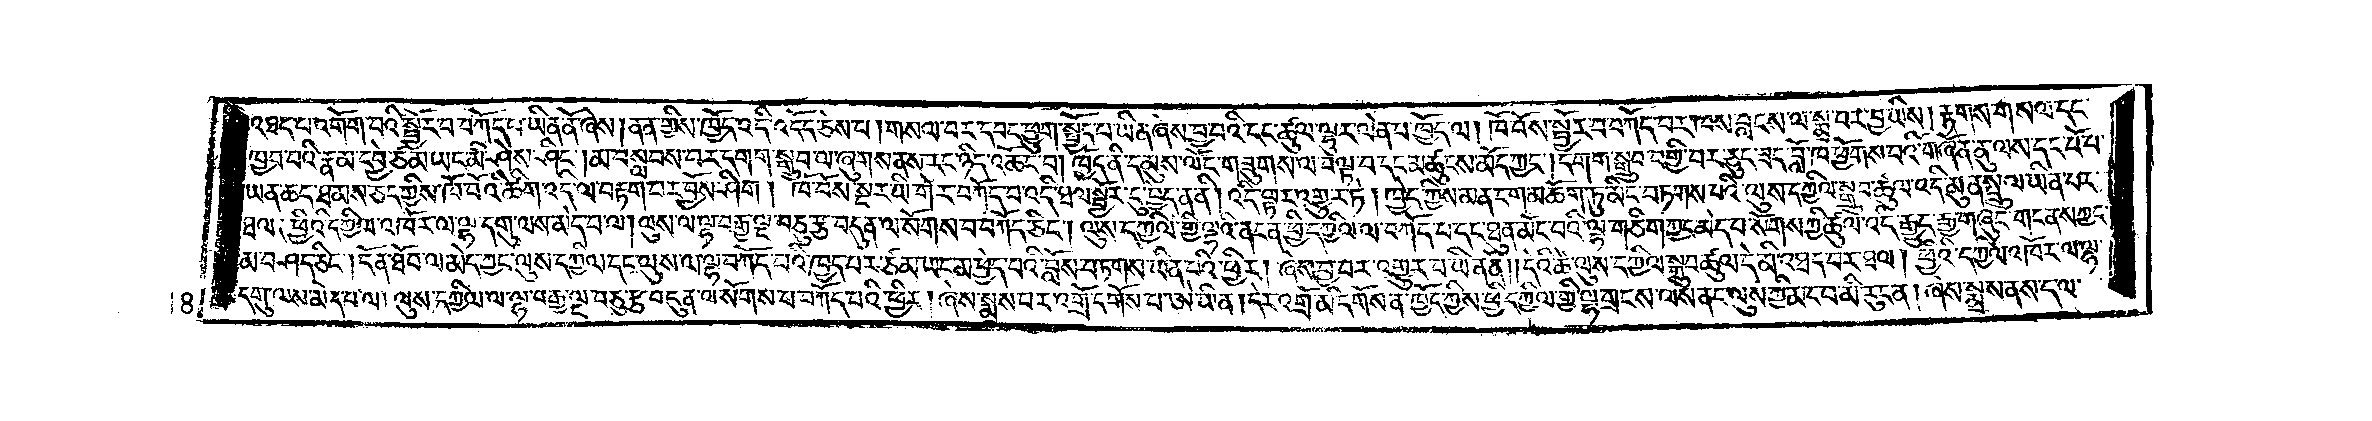འཐད་པ་འགོག་པའི་སྦྱོར་བ་བཀོད་པ་ཡིན་ནོ་ཞེས། ནན་གྱིས་ཁྱོད་འདི་འདོད་ཅེས་པ། གསལ་བར་དབང་ཕྱུག་སྤྱོད་པ་ཡིན་ཞེས་བྱ་བའི་ངང་ཚུལ་ལྷུར་ལེན་པ་ཁྱོད་ལ། ཁོ་བོས་སྦྱོར་བ་བཀོད་པར་ཁས་བླངས་ལ་སྨྲ་བར་བྱ་ཡིས། རྟགས་གསལ་དང་
ཁྱབ་པའི་རྣམ་དབྱེ་ཙམ་ཡང་མི་ཤེས་ཤིང་། མ་བསླབས་བར་དགག་སྒྲུབ་ལ་ཞུགས་ནས་རྣག་ཉིད་འཆོད་བ། ཁྱོ་ནི་དམུས་ལོང་གཟུགས་ལ་བལྟ་བ་དང་མཚུངས་མོད་ཀྱང་། དགག་སྒྲུབ་བགྱི་བར་ཅུང་ཟད་བློ་ཁ་ཕྱོགས་པའི་གཞོན་ནུ་ལས་དང་པོ་པ་
ཡན་ཆད་ཐམས་ཅད་ཀྱིས་ཁོ་བོའི་ཚིག་འདི་ལ་བརྟག་པར་བྱོས་ཤིག། ཁོ་བོས་སྔར་ཡི་གེར་བཀོད་པ་འདི་ཐལ་སྦྱོར་དུ་བྱེད་ན་ནི། འདི་ལྟར་འགྱུར་ཏེ། ཁྱེད་ཀྱིས་མན་ངག་མཆོག་ཏུ་མིང་བཏགས་པའི་ལུས་དཀྱིལ་སྒྲུབ་ཚུལ་འདི་མུན་སྤྲུལ་ཡིན་པར་
ཐལ༑ ཕྱིའི་དཀྱིལ་འཁོར་ལ་ལྷ་དགུ་ལས་མེད་པ་ལ། ལུས་ལ་ལྷ་བརྒྱ་ལྔ་བཅུ་རྩ་བདུན་ལ་སོགས་པ་བཀོད་ཅིང་། ལུས་དཀྱིལ་གྱི་ལྷའི་ནང་ན་ཕྱི་དཀྱིལ་ལ་བཀོད་པ་དང་ཐུན་མོང་བའི་ལྷ་གཅིག་ཀྱང་མེད་པ་སོགས་ཀྱི་ཚུལ་འདི་རྒྱུད་རྒྱ་གཞུང་གང་ནས་ཀྱང་
མ་བཤད་ཅིང་། དོན་ཐོབ་ལ་མེད་ཀྱང་ལུས་དཀྱིལ་དང་ལུས་ལ་ལྷ་བཀོད་པའི་ཁྱད་པར་ཙམ་ཡང་མ་ཕྱེད་པའི་བློས་བཏགས་ཡིན་པའི་ཕྱིར། ཞེས་བྱ་བར་འགྱུར་བ་ཡིན་ནོ། །དེའི་ཚེ་ལུས་དཀྱིལ་སྒྲུབ་ཚུལ་དེ་མི་འཐད་པར་ཐལ། ཕྱིའི་དཀྱིལ་འཁོར་ལ་ལྷ་
དགུ་ལས་མེད་པ་ལ། ལུས་དཀྱིལ་ལ་ལྷ་བརྒྱ་ལྔ་བཅུ་རྩ་བདུན་ལ་སོགས་པ་བཀོད་པའི་ཕྱིར། ཞེས་སྨྲས་པར་འགྲོ་དགོས་པ་ཨེ་ཡིན། དེར་འགྲོ་མི་དགོས་ན་ཁྱོད་ཀྱིས་ཕྱི་དཀྱིལ་གྱི་ལྷ་གྲངས་ལས་ནང་ལུས་ཀྱི་མང་བ་མི་རུང་ན། ཞེས་སྨྲས་ནས་དེ་ལ་